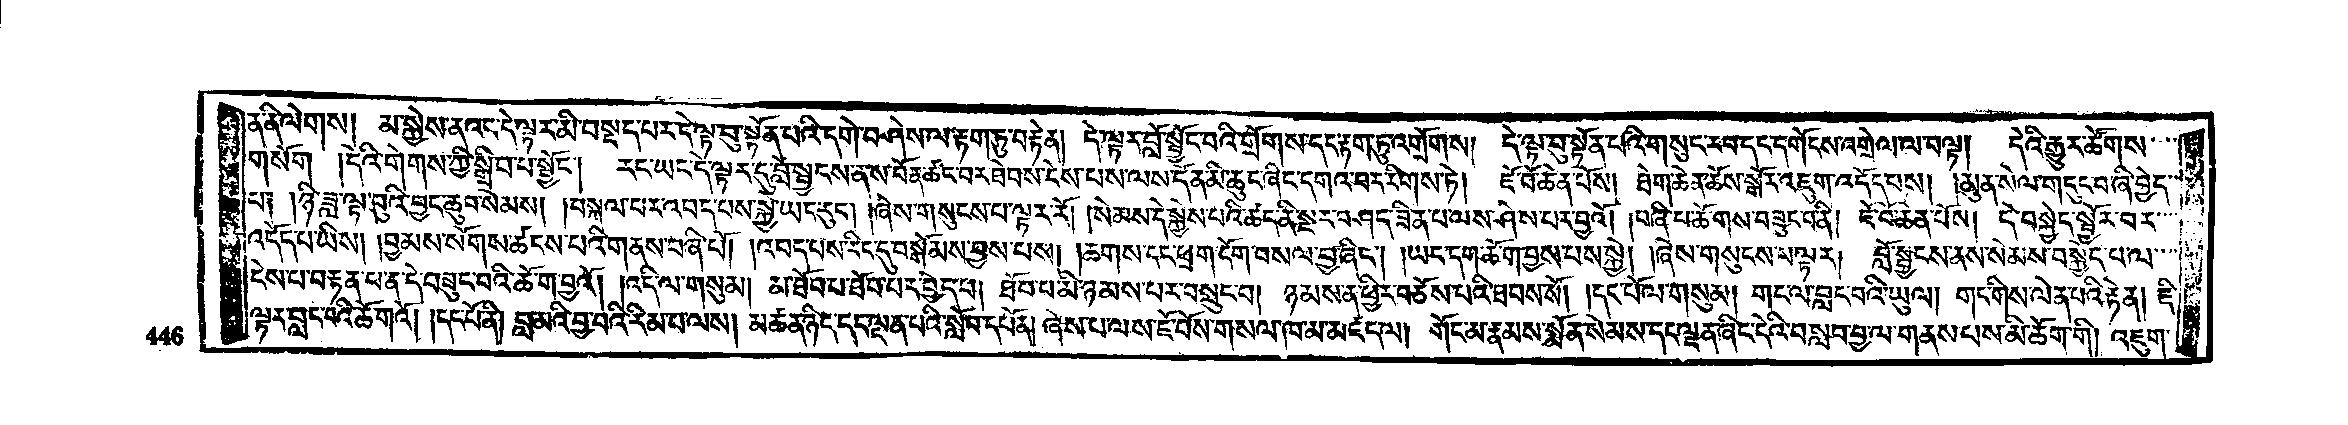ན་ནི་ལེགས། མ་སྐྱེས་ནའང་དེ་ལྟར་མི་བསྡད་པར་དེ་ལྟ་བུ་སྟོན་པའི་དགེ་བཤེས་ལ་རྟག་ཏུ་བརྟེན། དེ་ལྟར་བློ་སྦྱོང་བའི་གྲོགས་དང་རྟག་ཏུ་འགྲོགས། དེ་ལྟ་བུ་སྟོན་པའི་གསུང་རབ་དང་དགོངས་འགྲེལ་ལ་བལྟ། དེའི་རྒྱུར་ཚོགས་
གསོག །དེའི་གེགས་ཀྱི་སྒྲིབ་པ་སྦྱོང་། རང་ཡང་དེ་ལྟར་དུ་བློ་སྦྱངས་ན་ས་བོན་ཚང་བར་ཐེབས་ངེས་པས་ལས་དོན་མི་ཆུང་ཞིང་དགའ་བར་རིགས་ཏེ། ཇོ་བོ་ཆེན་པོས། ཐེག་ཆེན་ཆོས་སྒོར་འཇུག་འདོད་པས། །མུན་སེལ་གདུང་བ་ཞི་བྱེད་
པ༑ ༑ཉི་ཟླ་ལྟ་བུའི་བྱང་ཆུབ་སེམས། །བསྐལ་པར་འབད་པས་སྐྱེ་ཡང་རུང་། །ཞེས་གསུངས་པ་ལྟར་རོ། །སེམས་དེ་སྐྱེས་པའི་ཚད་ནི་སྔར་བཤད་ཟིན་པ་ལས་ཤེས་པར་བྱའོ། །བཞི་པ་ཚོགས་བཟུང་བ་ནི། ཇོ་བོ་ཆེན་པོས། དེ་བསྐྱེད་སྦྱོང་བར་
འདོད་པ་ཡིས། །བྱམས་སོགས་ཚངས་པའི་གནས་བཞི་པོ། །འབད་པས་རིང་དུ་བསྒོམས་བྱས་པས། །ཆགས་དང་ཕྲག་དོག་བསལ་བྱ་ཞིང་། །ཡང་དག་ཆོ་ག་བྱས་པས་སྐྱེ། །ཞེས་གསུངས་པ་ལྟར། བློ་སྦྱངས་ནས་སེམས་བསྐྱེད་པ་ལ་
ངེས་པ་བརྟན་པ་ན་དེ་བཟུང་བའི་ཆོ་ག་བྱའོ། །འདི་ལ་གསུམ། མ་ཐོབ་པ་ཐོབ་པར་བྱེད་པ། ཐོབ་པ་མི་ཉམས་པར་བསྲུང་བ། ཉམས་ན་ཕྱིར་བཅོས་པའི་ཐབས་སོ། །དང་པོ་ལ་གསུམ། གང་ལ་བླང་བའི་ཡུལ། གང་གིས་ལེན་པའི་རྟེན། ཇི་
ལྟར་བླང་བའི་ཆོ་གའོ། །དང་པོ་ནི། བླ་མའི་བྱ་བའི་རིམ་པ་ལས། མཚན་ཉིད་དང་ལྡན་པའི་སློབ་དཔོན། ཞེས་པ་ལས་ཇོ་བོས་གསལ་ཁ་མ་མཛད་ལ། གོང་མ་རྣམས་སྨོན་སེམས་དང་ལྡན་ཞིང་དེའི་བསླབ་བྱ་ལ་གནས་པས་མི་ཆོག་གི། འཇུག་